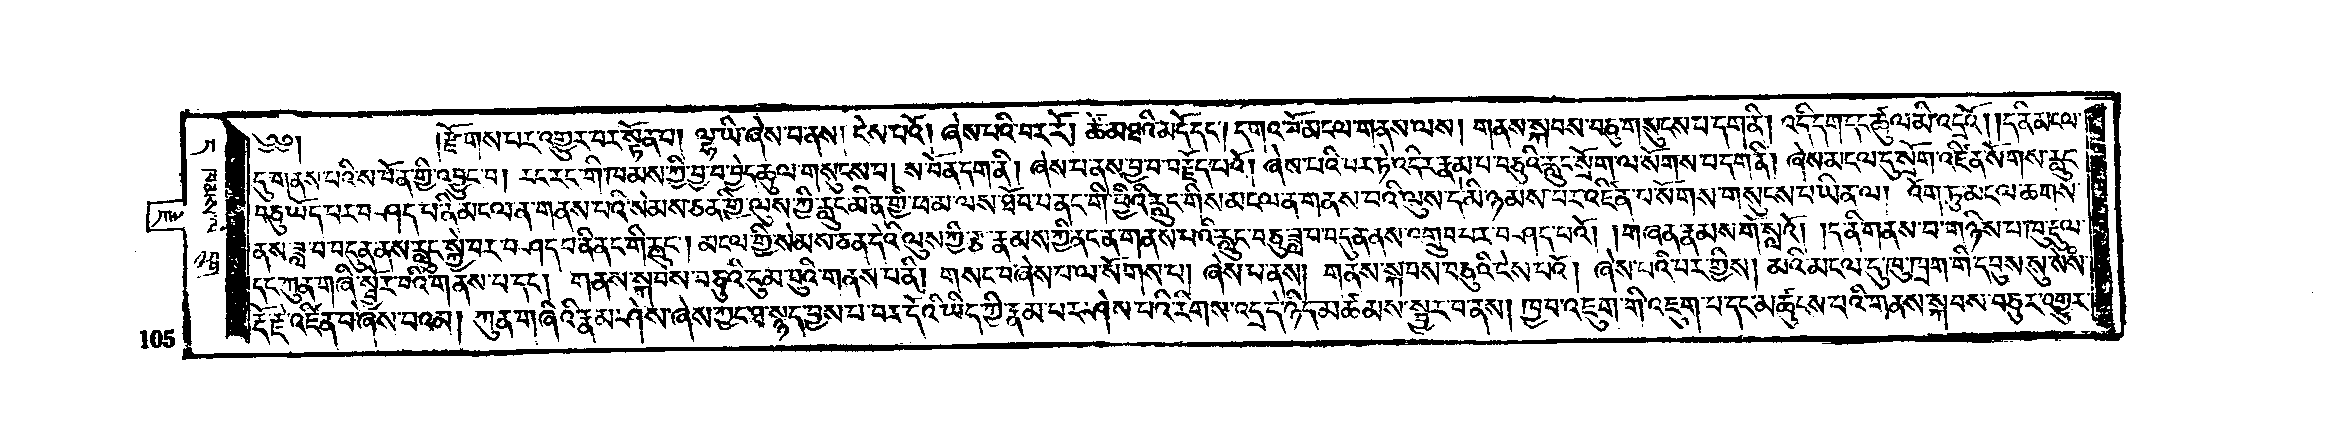༄༅། །རྫོགས་པར་འགྱུར་བར་སྟོན་པ། ལྷ་ཡི་ཞེས་པ་ནས། ངེས་པའོ། ཞེས་པའི་བར་རོ། ཚེ་མཐའི་མདོ་དང་། དགའ་བོ་མངལ་གནས་ལས། གནས་སྐབས་བཅུ་གསུངས་པ་དག་ནི། འདི་དག་དང་ཚུལ་མི་འདྲའོ། །ད་ནི་མངལ་
དུ་གནས་པའི་ས་བོན་གྱི་འབྱུང་བ། རང་རང་གི་ཁམས་ཀྱི་བྱ་བ་བྱེད་ཚུལ་གསུངས་པ། ས་བོན་དག་ནི། ཞེས་པ་ནས་བྱ་བ་བརྗོད་པའོ། ཞེས་པའི་བར་ཏེ་འདིར་རྣམ་པ་བཅུའི་རླུང་སྲོག་ལ་སོགས་པ་དག་ནི། ཞེས་མངལ་དུ་སྲོག་འཛིན་སོགས་རླུང་
བཅུ་ཡོད་པར་བཤད་པ་ནི་མངལ་ན་གནས་པའི་སེམས་ཅན་གྱི་ལུས་ཀྱི་རླུང་མིན་གྱི་ཕ་མ་ལས་ཐོབ་པ་ནང་གི་ཕྱིའི་རླུང་གིས་མངལ་ན་གནས་པའི་ལུས་དེ་མི་ཉམས་པར་འཛིན་པ་སོགས་གསུངས་པ་ཡིན་ལ། འོག་ཏུ་མངལ་ཆགས་
ནས་ཟླ་བ་བདུན་ནས་རླུང་སྐྱེ་བར་བཤད་པ་ནི་ནང་གི་རླུང་། མངལ་གྱི་སེམས་ཅན་དེའི་ལུས་ཀྱི་རྩ་རྣམས་ཀྱི་ནང་ན་གནས་པའི་རླུང་བཅུ་ཟླ་བ་བདུན་ནས་འགྲུབ་པར་བཤད་པའོ། །གཞན་རྣམས་གོ་སླའོ། །ད་ནི་གནས་པ་གཉིས་པ་ཁུ་རྡུལ་
དང་ཀུན་གཞི་སྦྱོར་བའི་གནས་པ་དང་། གནས་སྐབས་བཅུའི་དུམ་བུའི་གནས་པ་ནི། གསང་བ་ཞེས་པ་ལ་སོགས་པ། ཞེས་པ་ནས། གནས་སྐབས་བཅུའི་ངེས་པའོ། ཞེས་པའི་བར་གྱིས། མའི་མངལ་དུ་ཁུ་ཁྲག་གི་དབུས་སུ་སེམས་
རྡོ་རྗེ་འཛིན་པ་ཞེས་པའམ། ཀུན་གཞིའི་རྣམ་ཤེས་ཞེས་ཀྱང་ཐ་སྙད་བྱས་པ་བར་དོའི་ཡིད་ཀྱི་རྣམ་པར་ཤེས་པའི་རིགས་འདྲ་དེ་ཉིད་མཚམས་སྦྱར་བ་ནས། ཁྱབ་འཇུག་གི་འཇུག་པ་དང་མཚུངས་པའི་གནས་སྐབས་བཅུར་འགྱུར་